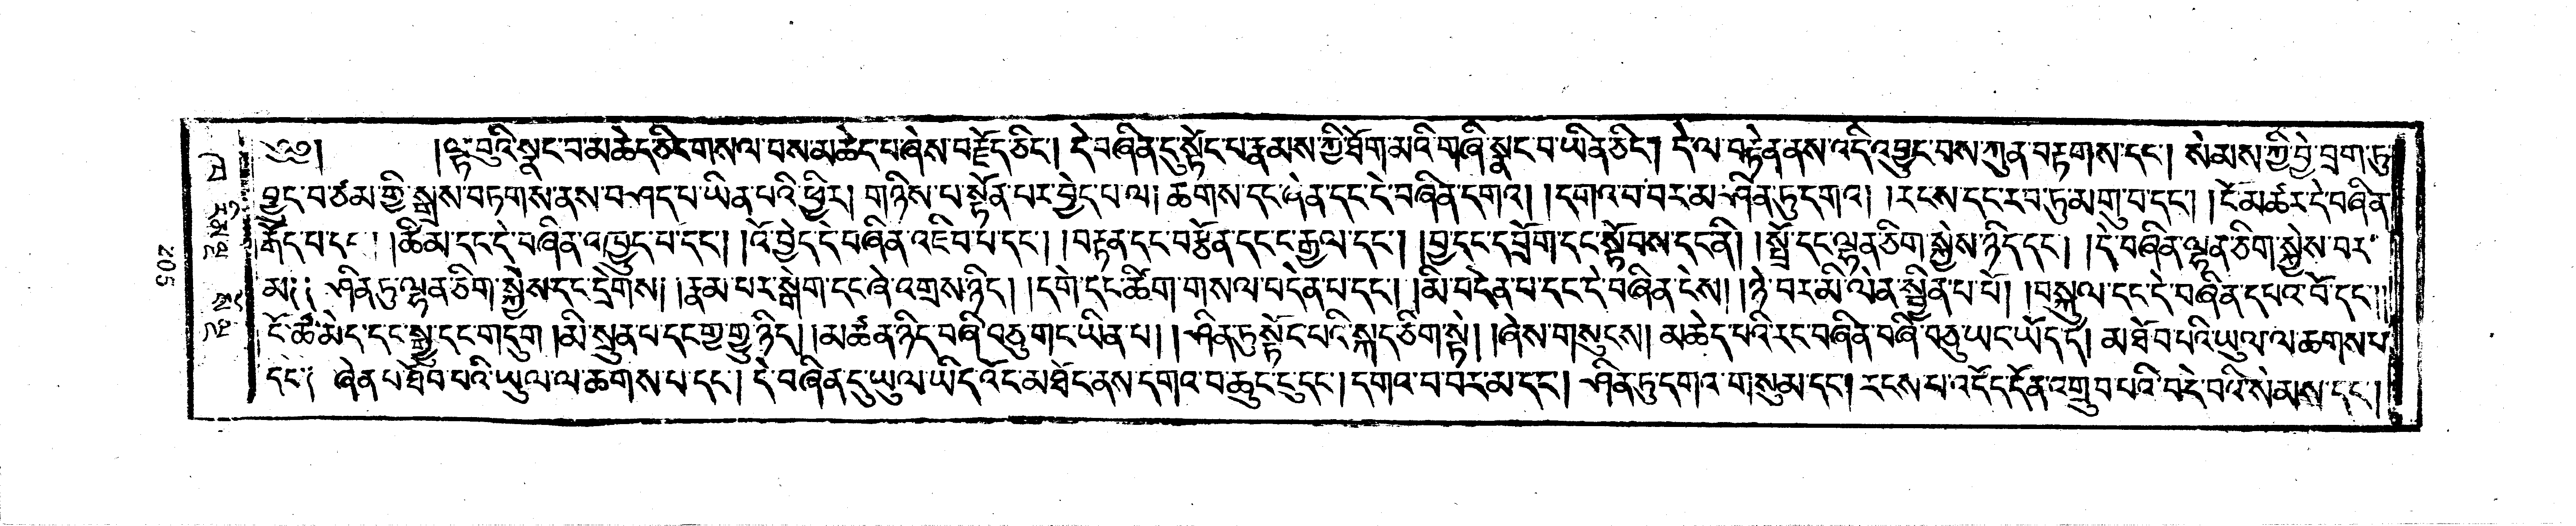༄༅། །ལྟ་བུའི་སྣང་བ་མཆེད་ཅིང་གསལ་བས་མཆེད་པ་ཞེས་བརྗོད་ཅིང་། དེ་བཞིན་དུ་སྟོང་པ་རྣམས་ཀྱི་ཐོག་མའི་གཞི་སྣང་བ་ཡིན་ཅིང་། དེ་ལ་བརྟེན་ནས་འདི་འབྱུང་བས་ཀུན་བརྟགས་དང་། སེམས་ཀྱི་བྱེ་བྲག་ཏུ་
བྱུང་བ་ཙམ་གྱི་སྒྲས་བཏགས་ནས་བཤད་པ་ཡིན་པའི་ཕྱིར། གཉིས་པ་སྟོན་པར་བྱེད་པ་ལ། ཆགས་དང་ཞེན་དང་དེ་བཞིན་དགའ། །དགའ་བ་བར་མ་ཤིན་ཏུ་དགའ། །རངས་དང་རབ་ཏུ་མགུ་བ་དང་། །ངོ་མཚར་དེ་བཞིན་
རྒོད་པ་དང་། །ཚིམ་དང་དེ་བཞིན་འཁྱུད་པ་དང་། །འོ་བྱེད་དེ་བཞིན་འཇིབ་པ་དང་། །བརྟན་དང་བརྩོན་དང་ང་རྒྱལ་དང་། །བྱ་དང་དཔྲོག་དང་སྟོབས་དང་ནི། །སྤྲོ་དང་ལྷན་ཅིག་སྐྱེས་ཉིད་དང་། །དེ་བཞིན་ལྷན་ཅིག་སྐྱེས་པར་
མ༑ ༑ཤིན་ཏུ་ལྷན་ཅིག་སྐྱེས་དང་དྲེགས། །རྣམ་པར་སྒེག་དང་ཞེ་འགྲས་ཉིད། །དགེ་དང་ཚིག་གསལ་བདེན་པ་དང་། །མི་བདེན་པ་དང་དེ་བཞིན་ངེས། །ཉེ་བར་མི་ལེན་སྦྱིན་པ་པོ། །བསྐུལ་དང་དེ་བཞིན་དཔའ་བོ་དང་། །
ངོ་ཚ་མེད་དང་སྒྱུ་དང་གདུག །མི་སྲུན་པ་དང་གྱ་གྱུ་ཉིད། །མཚན་ཉིད་བཞི་བཅུ་གང་ཡིན་པ། །ཤིན་ཏུ་སྟོང་པའི་སྐད་ཅིག་སྟེ། །ཞེས་གསུངས། མཆེད་པའི་རང་བཞིན་བཞི་བཅུ་ཡང་ཡོད་དེ། མཐོ་བ་པའི་ཡུལ་ལ་ཆགས་པ་
དང་། ཞེན་པ་ཐོབ་པའི་ཡུལ་ལ་ཆགས་པ་དང་། དེ་བཞིན་དུ་ཡུལ་ཡིད་འོང་མཐོང་ནས་དགའ་བ་ཆུང་ངུ་དང་། དགའ་བ་བར་མ་དང་། ཤིན་ཏུ་དགའ་གསུམ་དང་། རངས་པ་འདོད་དོན་འགྲུབ་པའི་བདེ་བའི་སེམས་དང་།